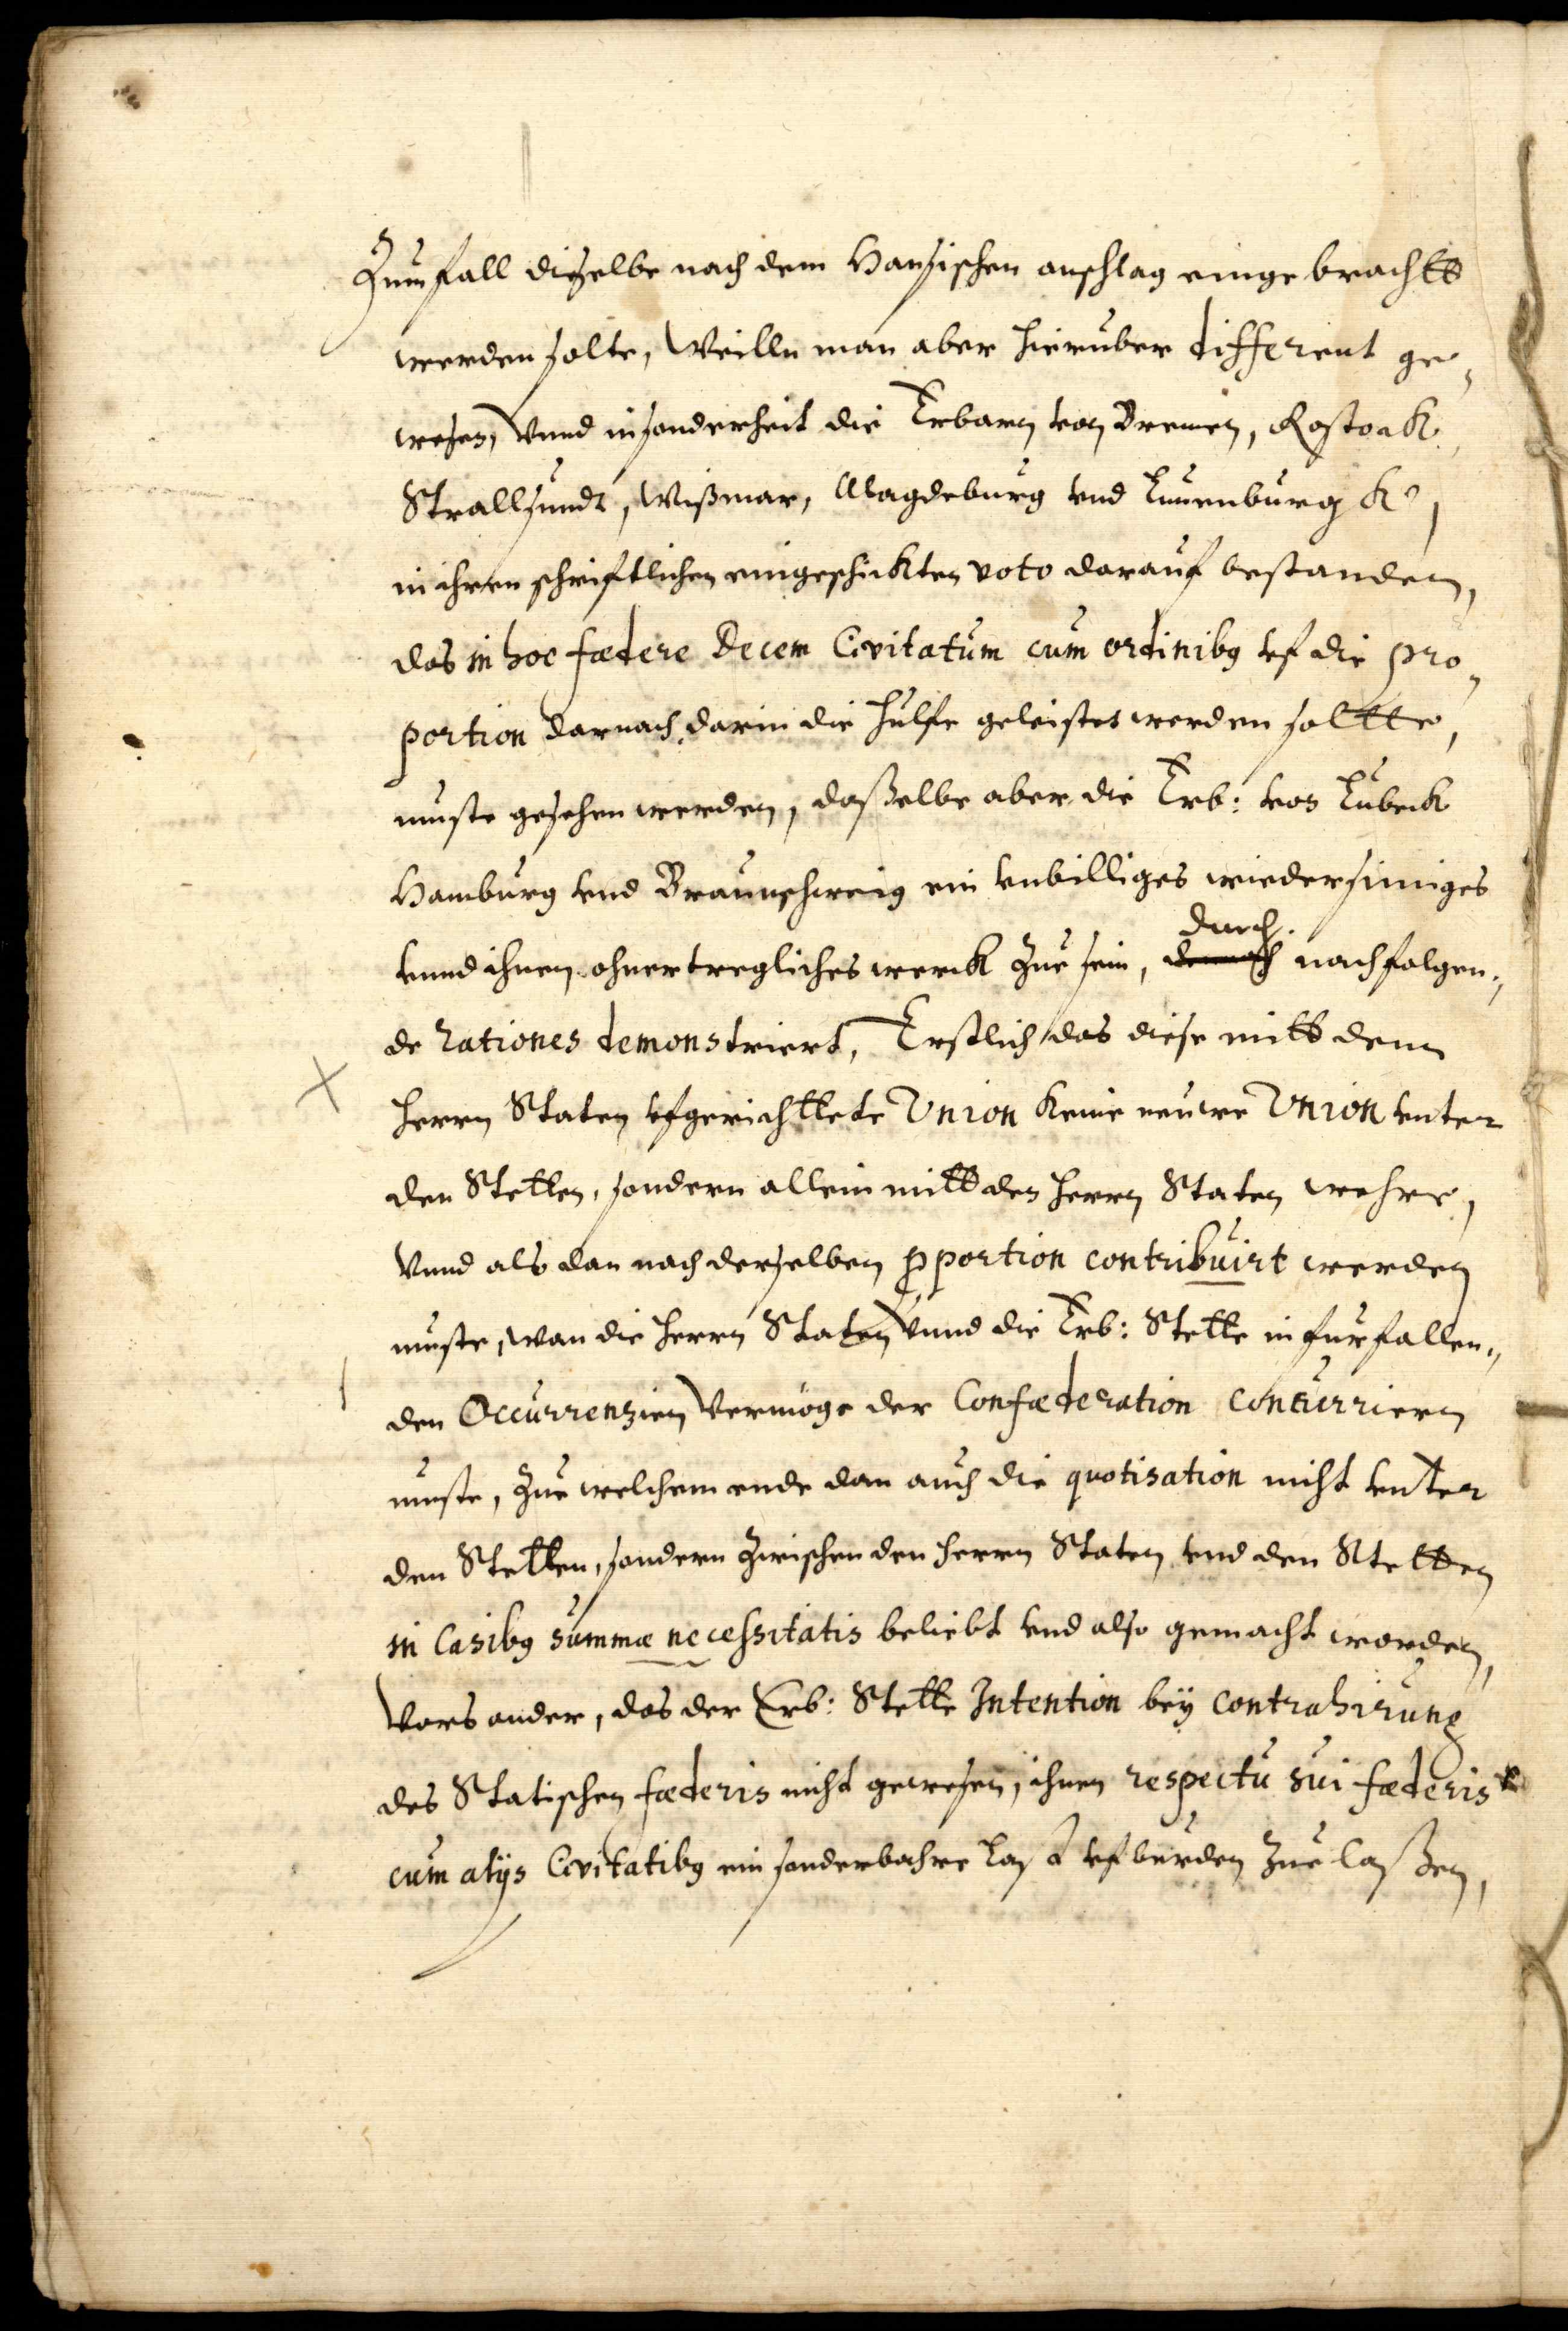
Zum fall dieselbe nach dem Hansischen anschlag eingebrachtt
werden solte, Weilln man aber hieruber different ge¬
wesen, Vnnd insoederheit die Erbarn von Bremen, Rostock,
Strallsundt, Wißmar, Magdeburg vnd Lunenburgk,
in ihren schriflichen eingeschickten voto darauf bestanden,
das in hoc fadere Decem Civitatum cum ordinibus vf die Pro¬
portion darnach darin die hulfe geleistet werden soltte,
muste gesehen werden, daßelbe aber die Erb: von Lubeck
Hamburg vnd Braunschweig ein Vnbilliges wiedersinniges
durch
vnnd ihnen ohnertregliches werck zue sein, dennoch nachfolgen¬
de Rationes demonstriert, Erstlich das diese mitt dem
herrn Staten vfgerichttete Union keine neuwe Union vnter
den Stetten, sondern allein mitt den herrn Staten wehre,
Vnnd als dan noch derselben Proportion contribuirt werden
muste, von die herrn Staten Vnnd die Erb: Stette in furfallen¬
den Occurrenzien Vermöge der Confaderation Concurriern
muste, zue welchem ende dan auch die quotisation nicht vnter
den Stetten, sondern zwischen den herrn Staten vnd den Stetten
in Casibus summa necessitatis beliebt vnd also gemacht worden,
Vors ander, das der Erb: Stette Intention beij Contrahirung
des Statischen faderis nicht gewesen, ihnen respectu sui faderis
cum alijs Civitatibq ein sonderbahre Last vfburden zue laßen
